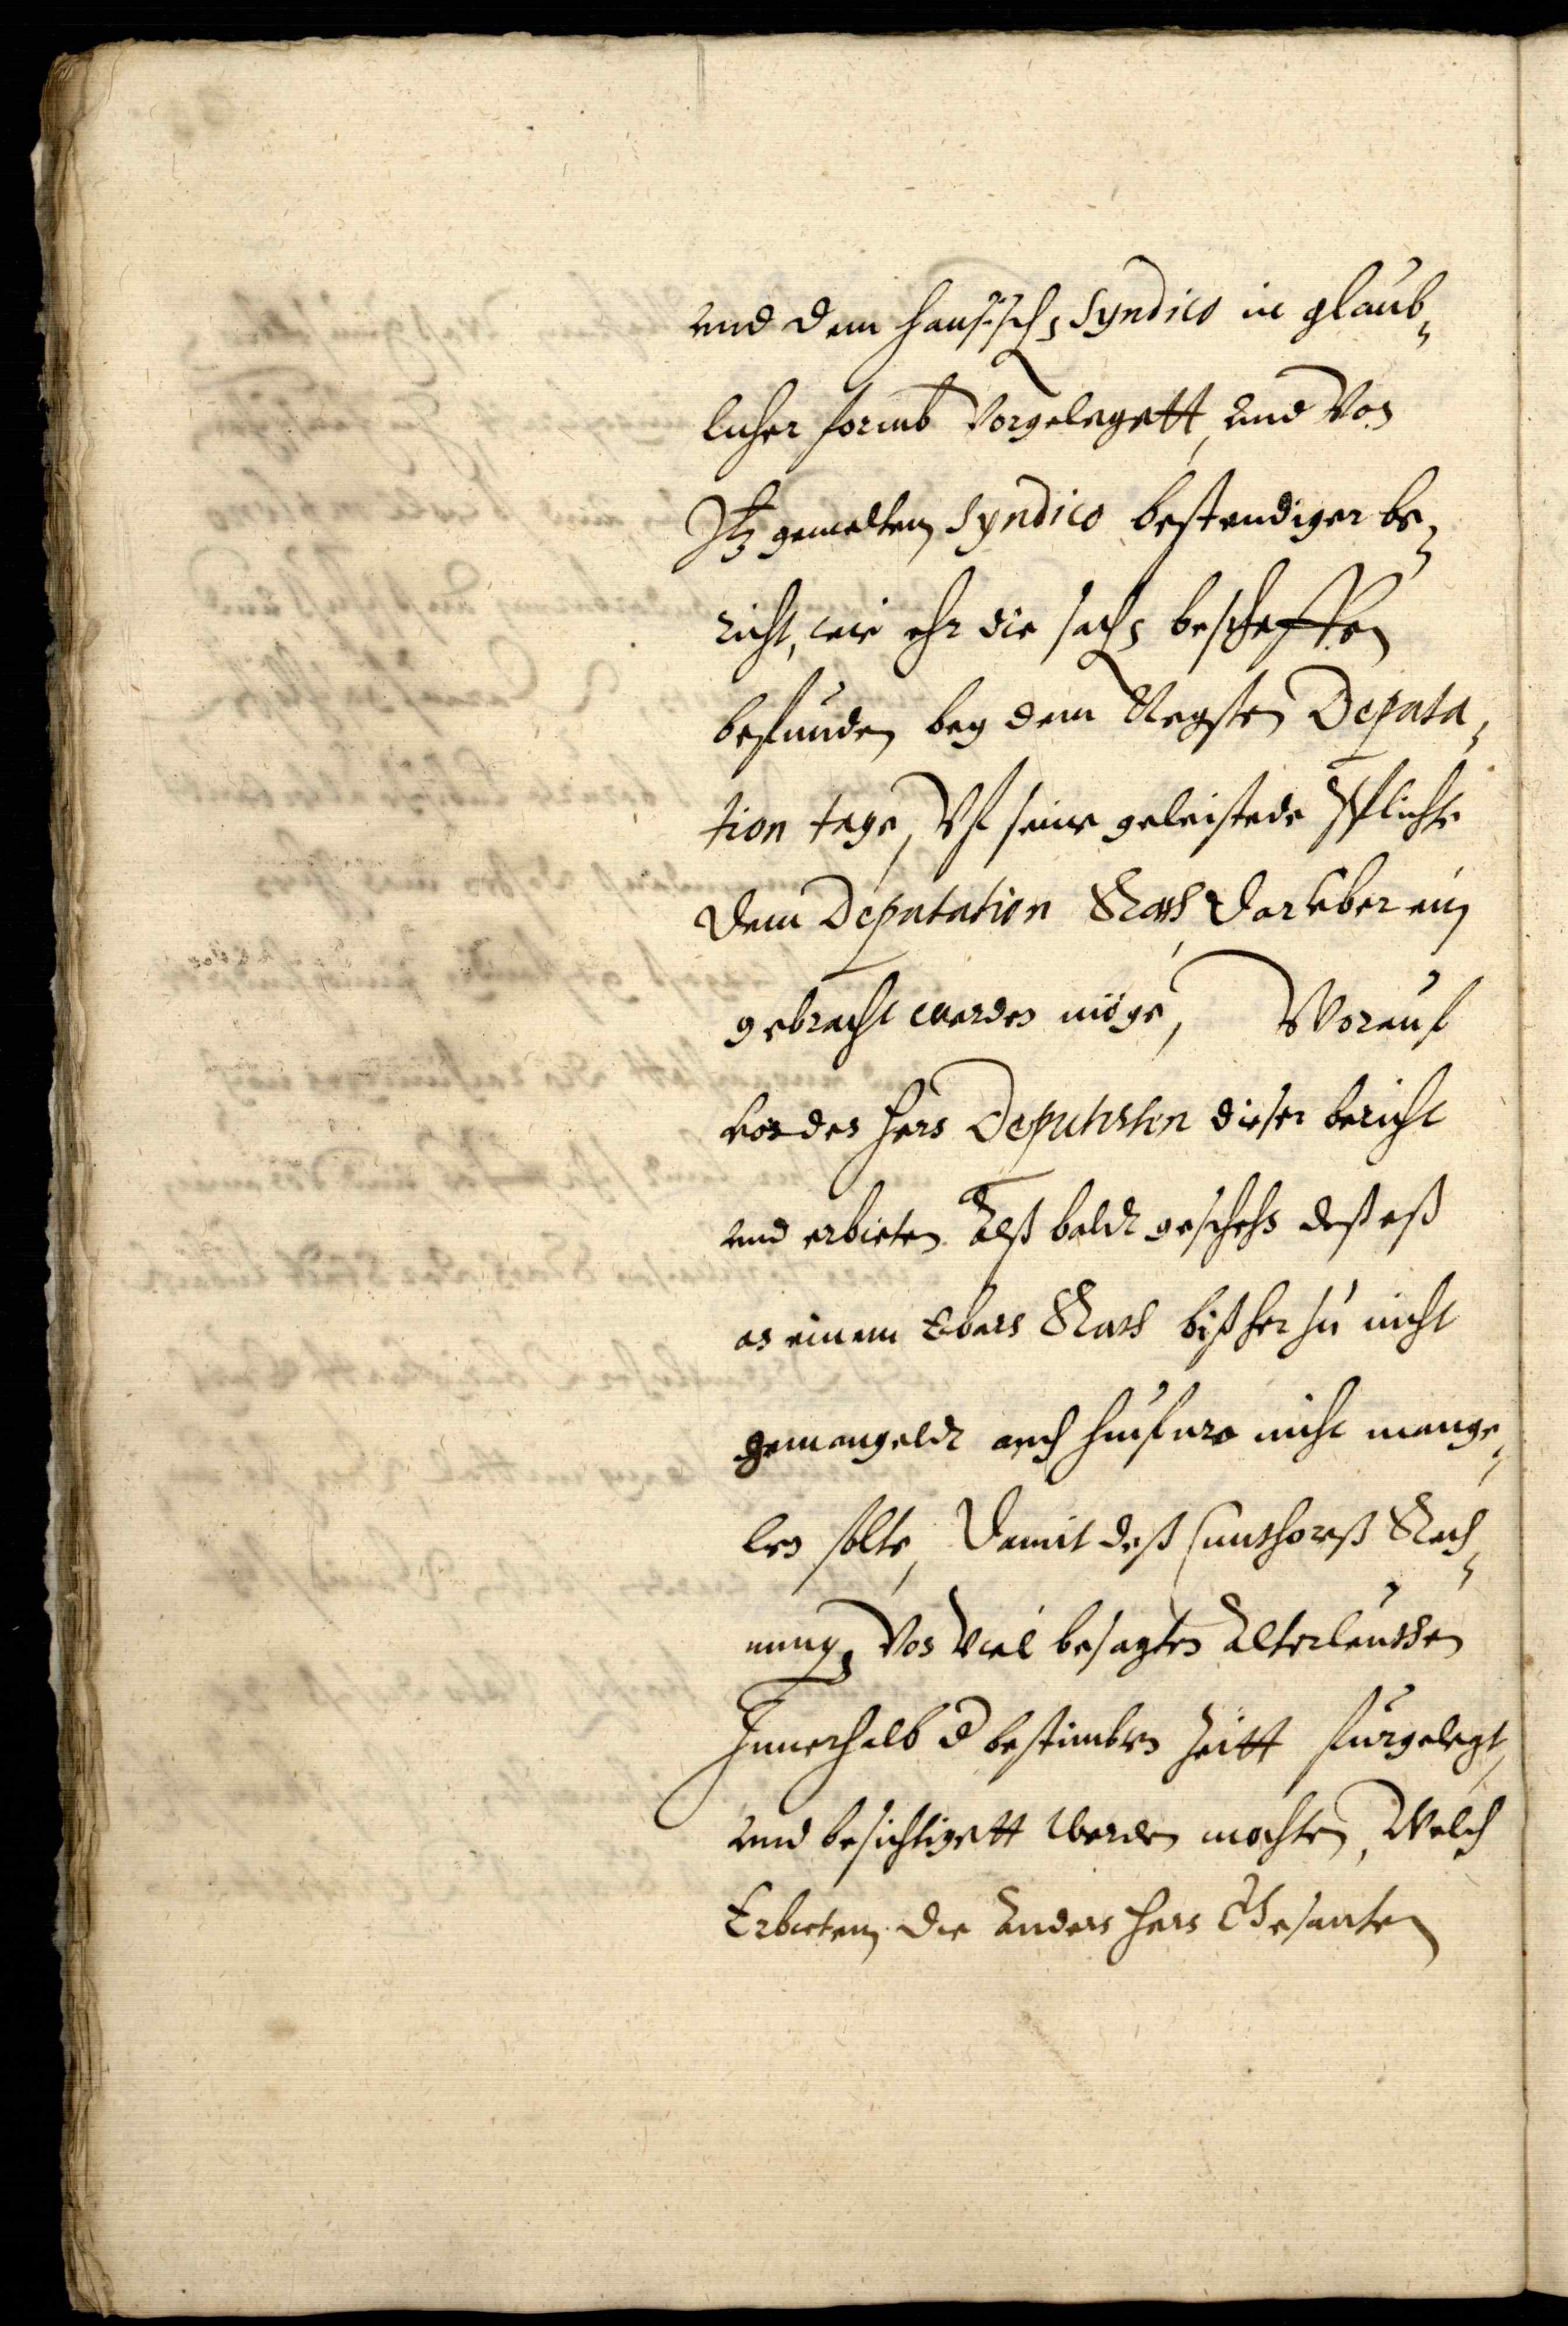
vnd dem hansischen Syndico in glaub¬
licher formb vorgelegett vnd von
Itzgemeltem Syndico bestendiger be¬
richt, wie ehr die sachen bescheffen
befunden beij dem Negsten Deputa¬
tion tage, vf seine geleistede Pflichte
dem Deputation Rath darvber ein
gebracht werden möge, Worauf
von den hern Deputirten dieser bericht
vnd erbieten. Alß baldt geschehen daß eß
an einem Erbarn Rath bißher zu nicht
gemangeldt auch hinfuro nicht mange¬
len solte, damit deß Cunthorß Rech¬
nung von viel besagten Alterleuhen
Innerhalb der bestimbten zeitt furgelegt
vnd besichtigett werden mochten, welch
Erbieten der Andern hern Gesanten
